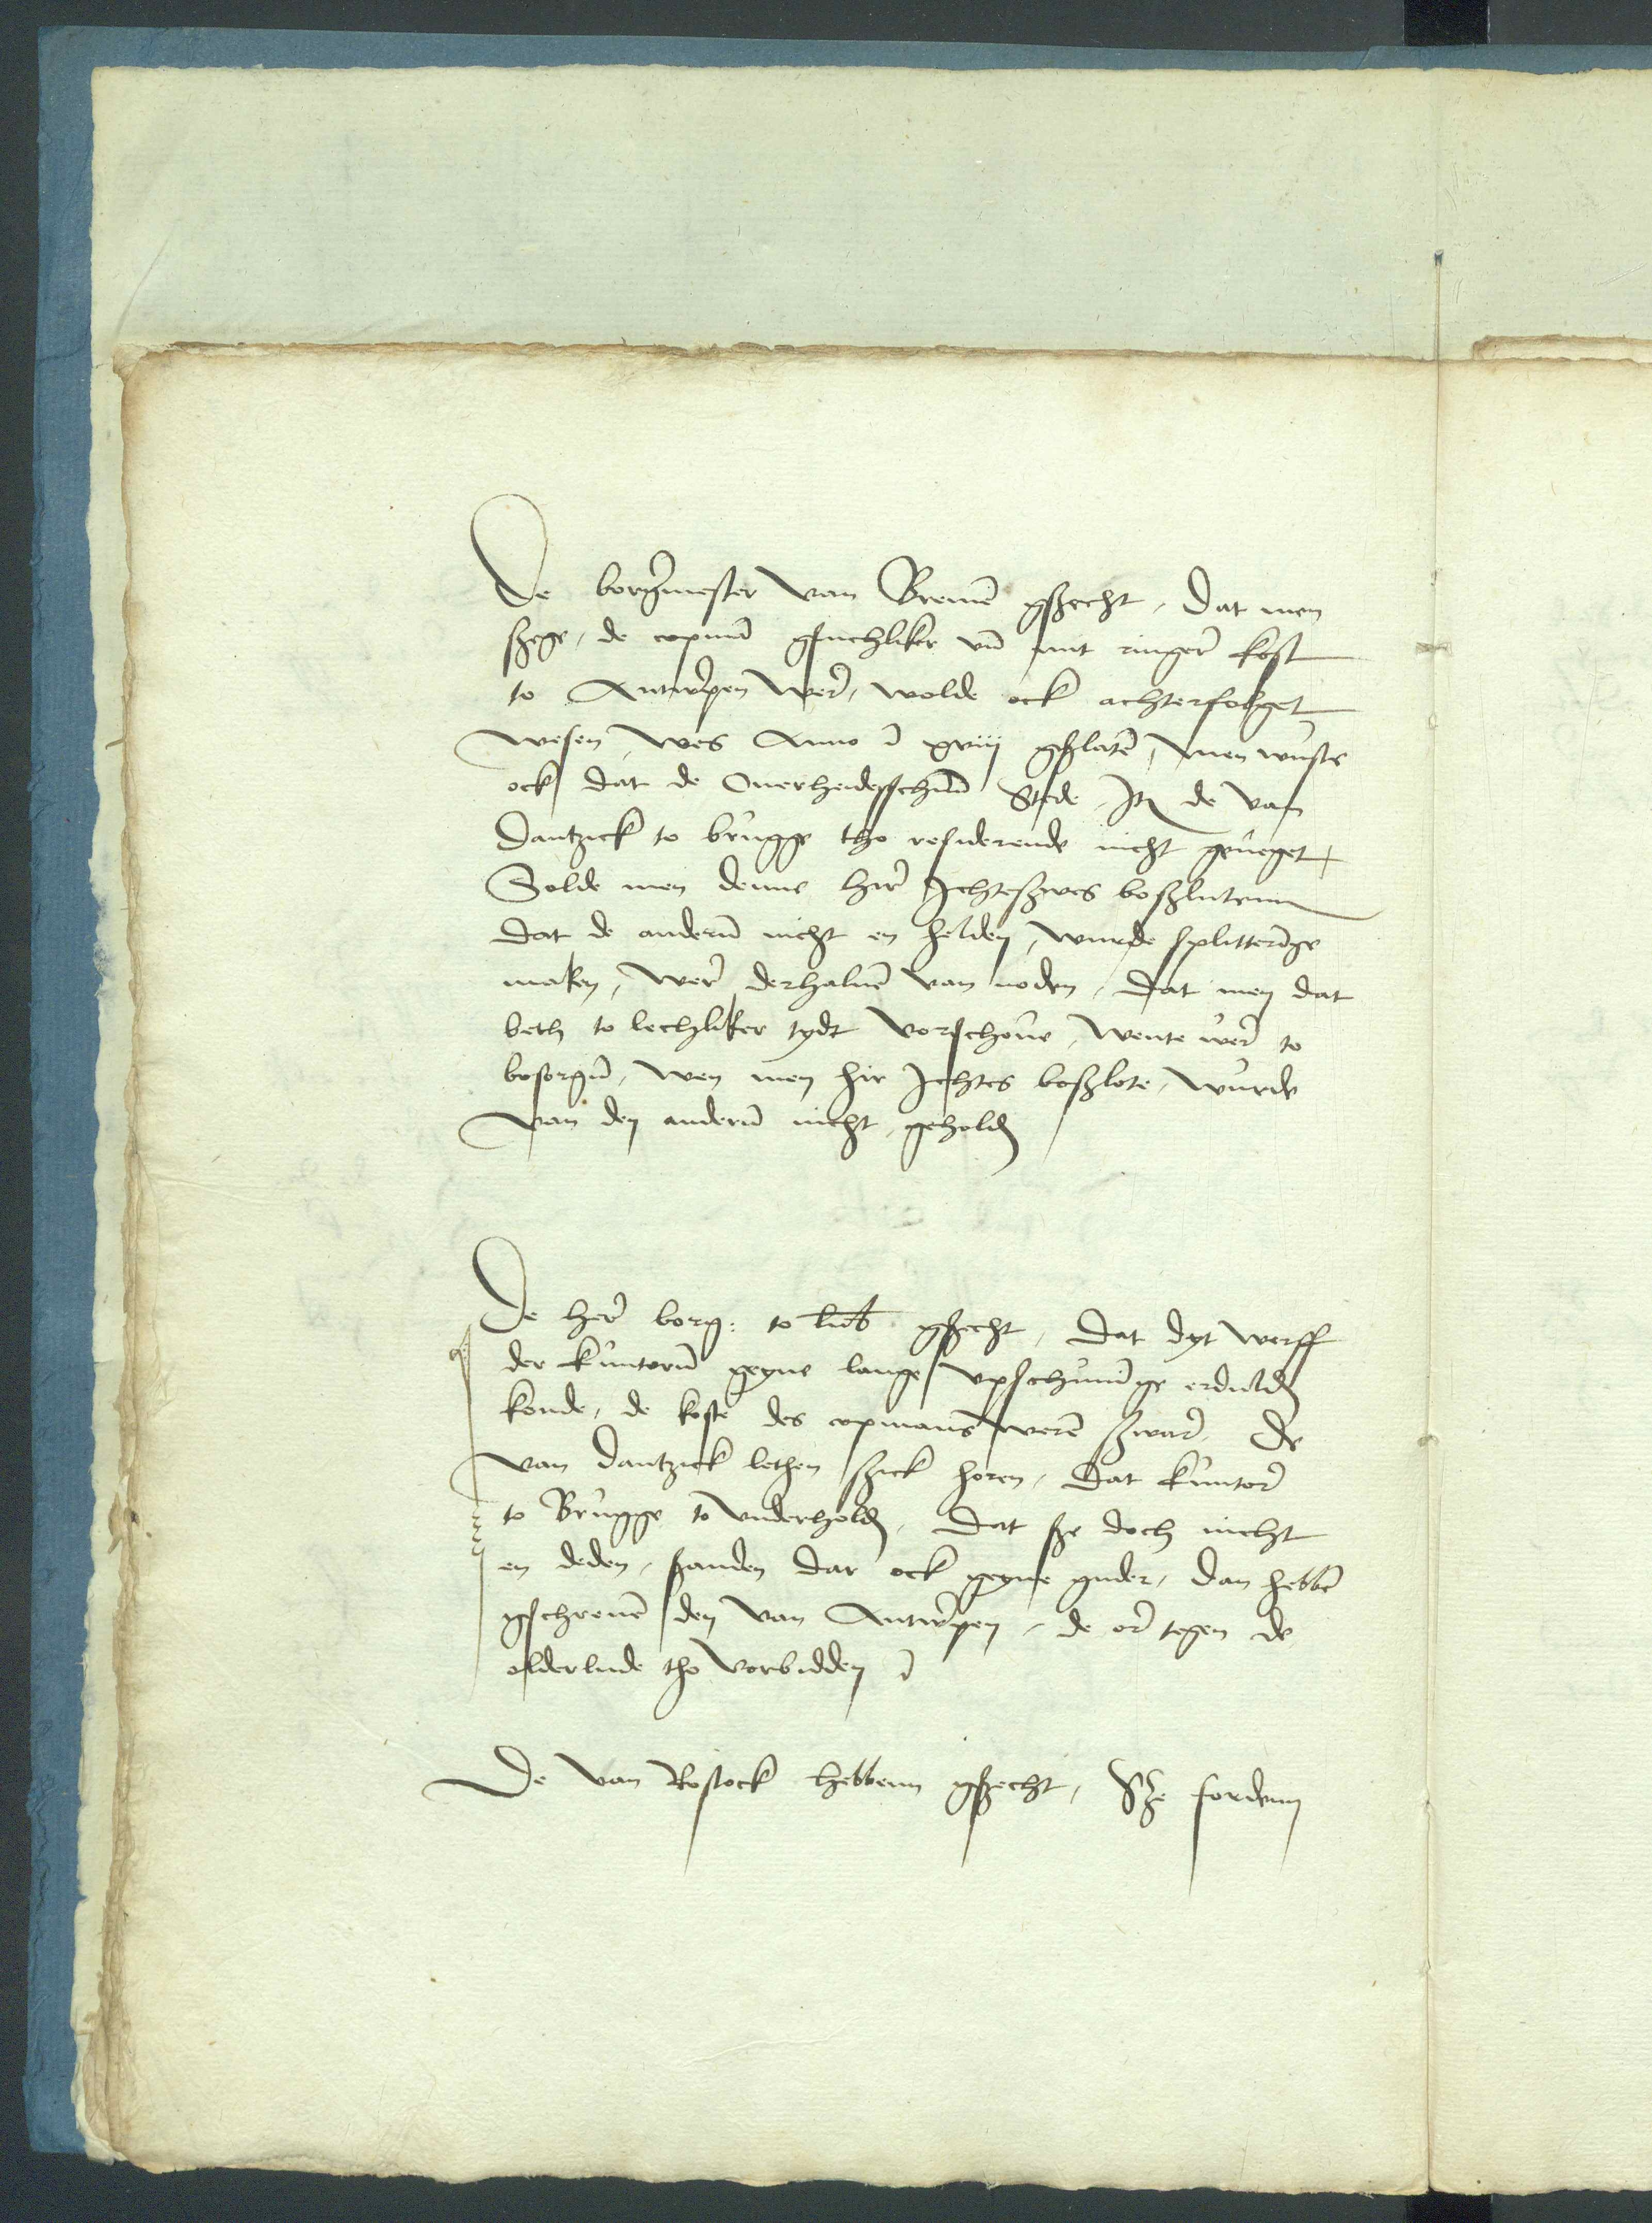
De borgermester van Bremen gßecht, dat men
ßege, de copman gfuchliker vnd mit ringer kost
to Antwerpen were, wolde ock achterfolget
wesen, wes Anno etcetera xviij gßlaten, men wuste
ock dat de Ouerheidesschen Stede Jtem de van
dantzick to brugge tho residerende nicht geneget
Solde men denne hir Jchteßwes boßlutenn
dat de anderen nicht en helden, wurde splitteringe
maken, were derhaluen van noden, dat men dat
beth to lechliker tydt vorscheue, wente were to
bosorgen, wen men hir Jchtes boßlote, wurde
van den anderen nicht geholden
De her borg: to Lubeck gsecht, dat dyt werff
der kuntoren geyner lange vpschuninge erdulden
konde, de koste des copmans weren ßwar de
van dantzick luthen ßick horen, dat kuntor
to Brugge to vnderholden, dat ße doch nicht
en deden, ßanden dat ock geyne guder, dan hebben
geschreuen den van Antwerpen, de ore tegen de
olderlude tho vorbidden etcetera
De van Rostock hebbenn gßecht, Sze fordenn
